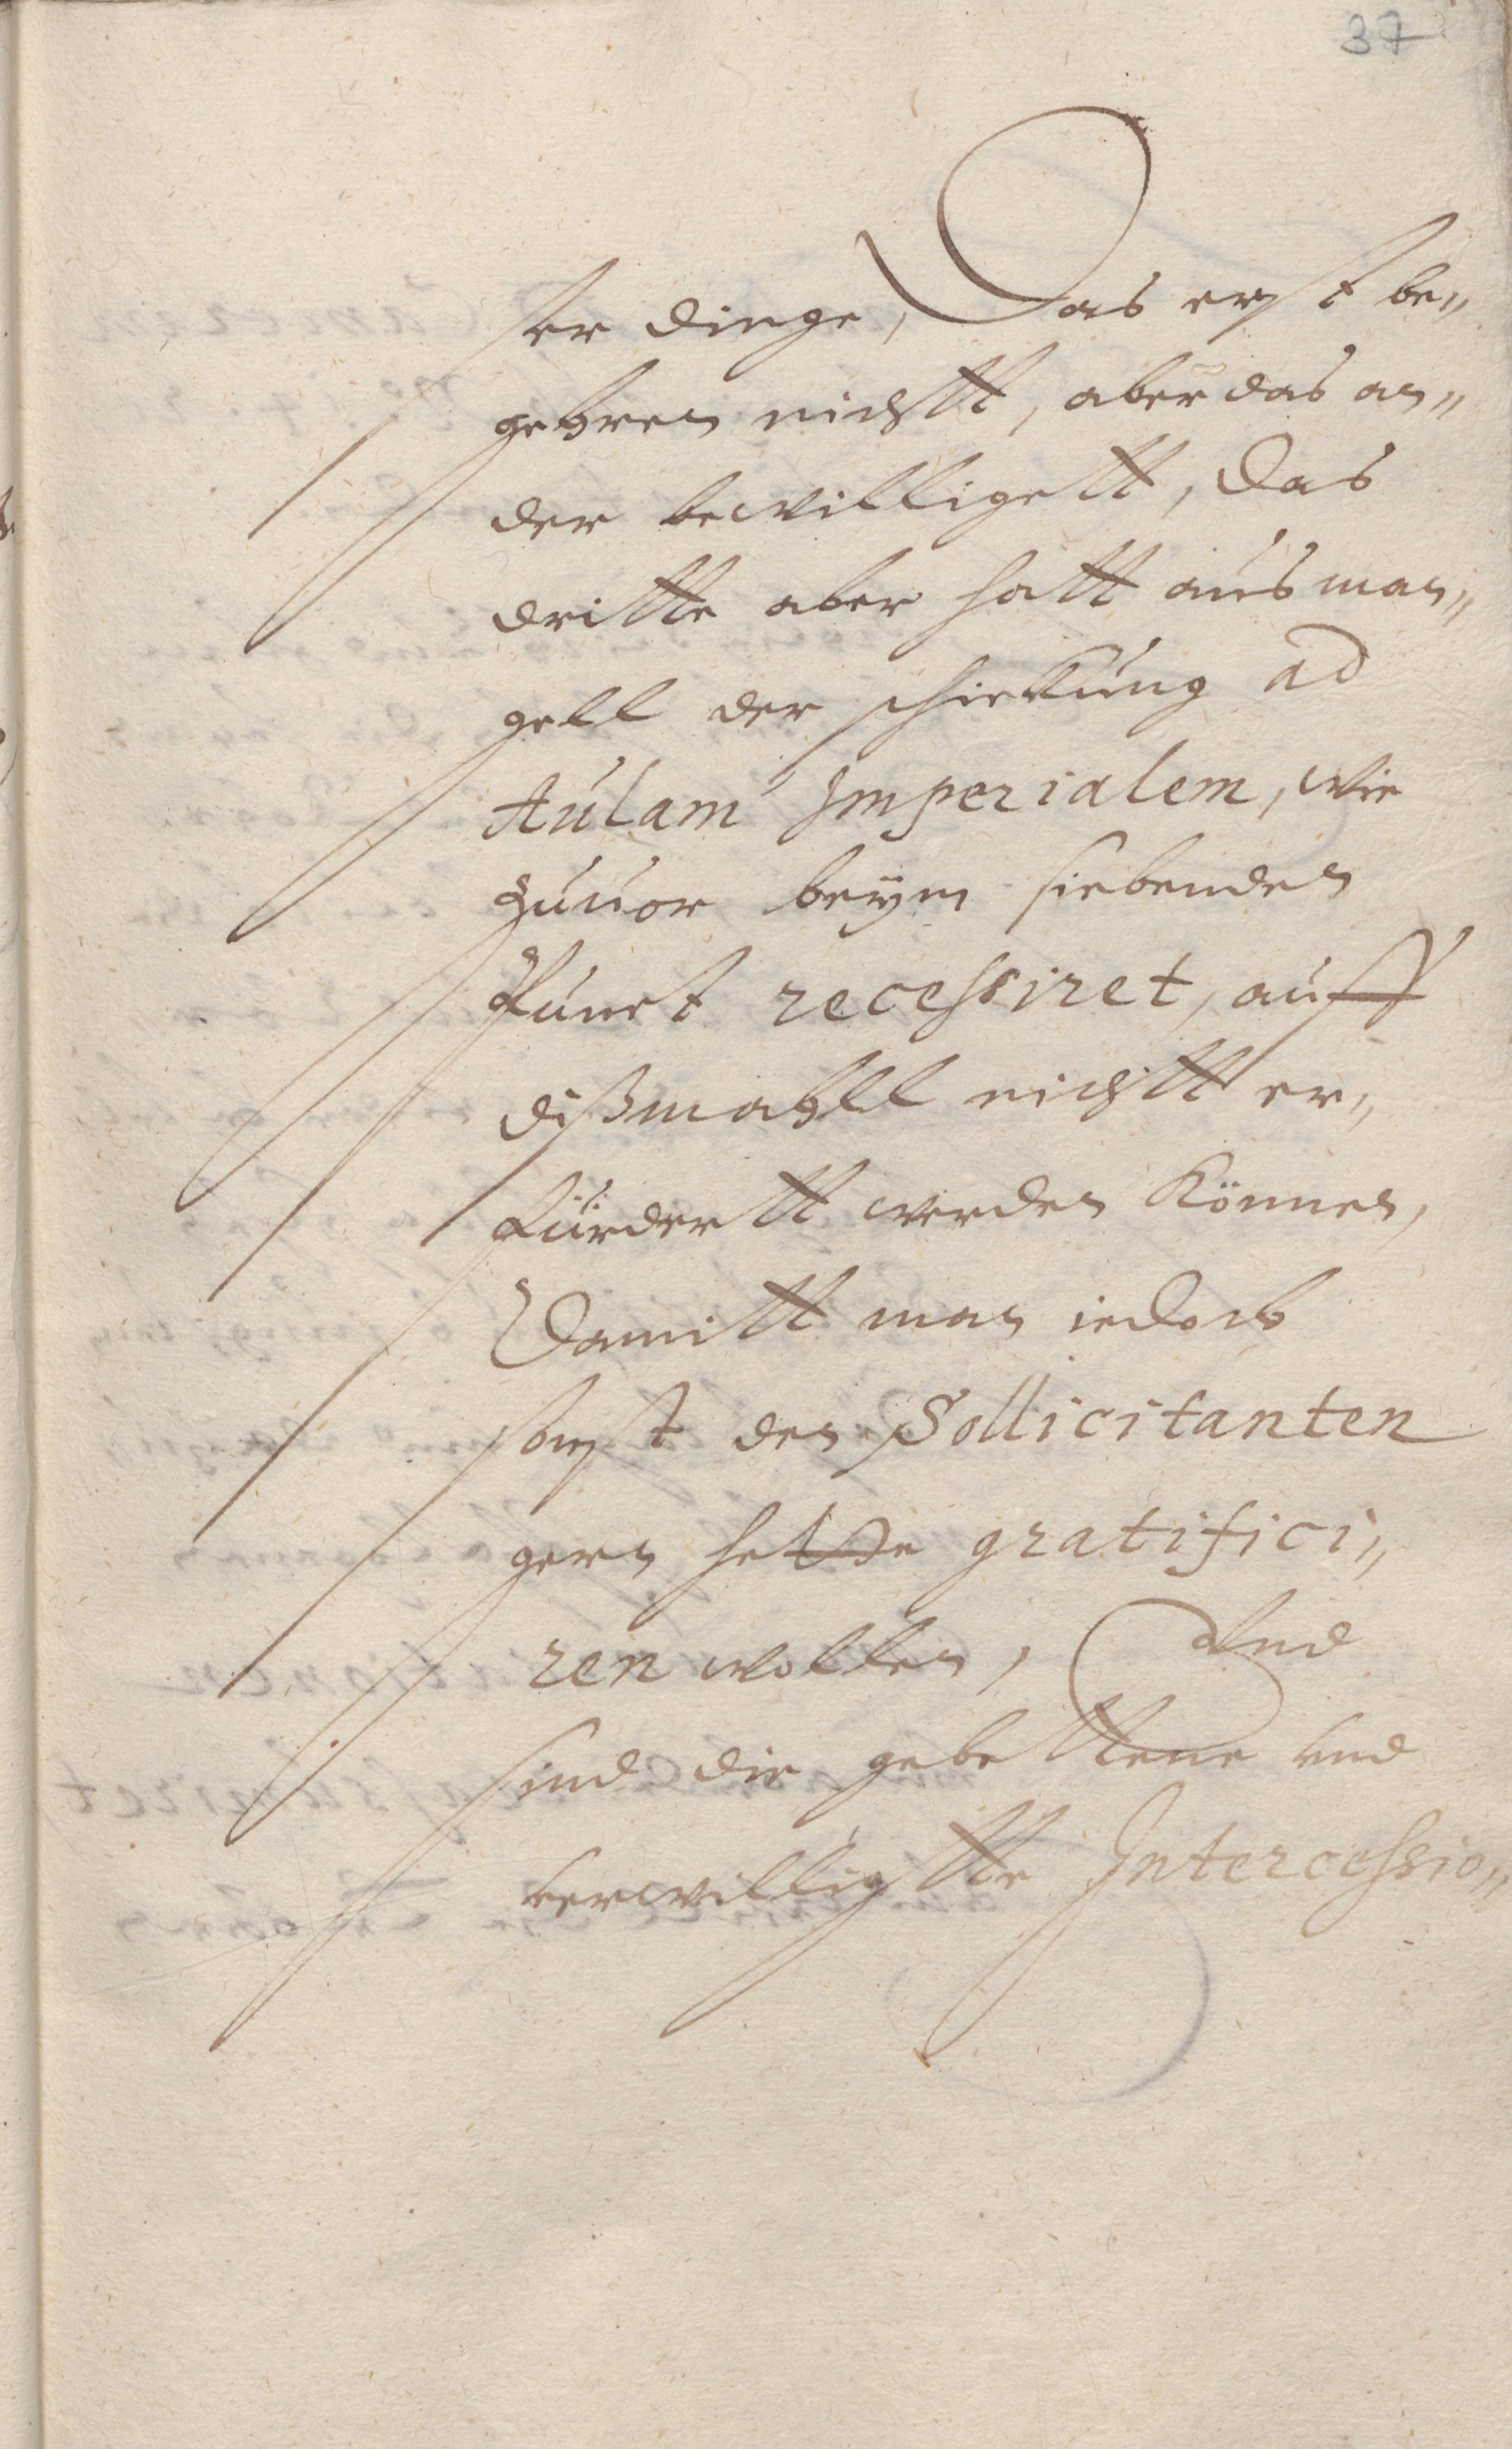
ser dinge, Das erst be¬
gehren nichtt, aber das an¬
der bewilligett, das
dritte aber hatt aus man¬
gell der schickung ad
Aulam Imperialem, wie
zuuor beijm siebenden
Punct recessiret, auff
dißmahll nichtt er¬
fürdertt werden können,
Damitt man iedoch
sonst den Sollicitanten
gern hette gratifici¬
ren wollen, Vnd
vnd die gebetene vnd
verwilligtte Intercessio¬
